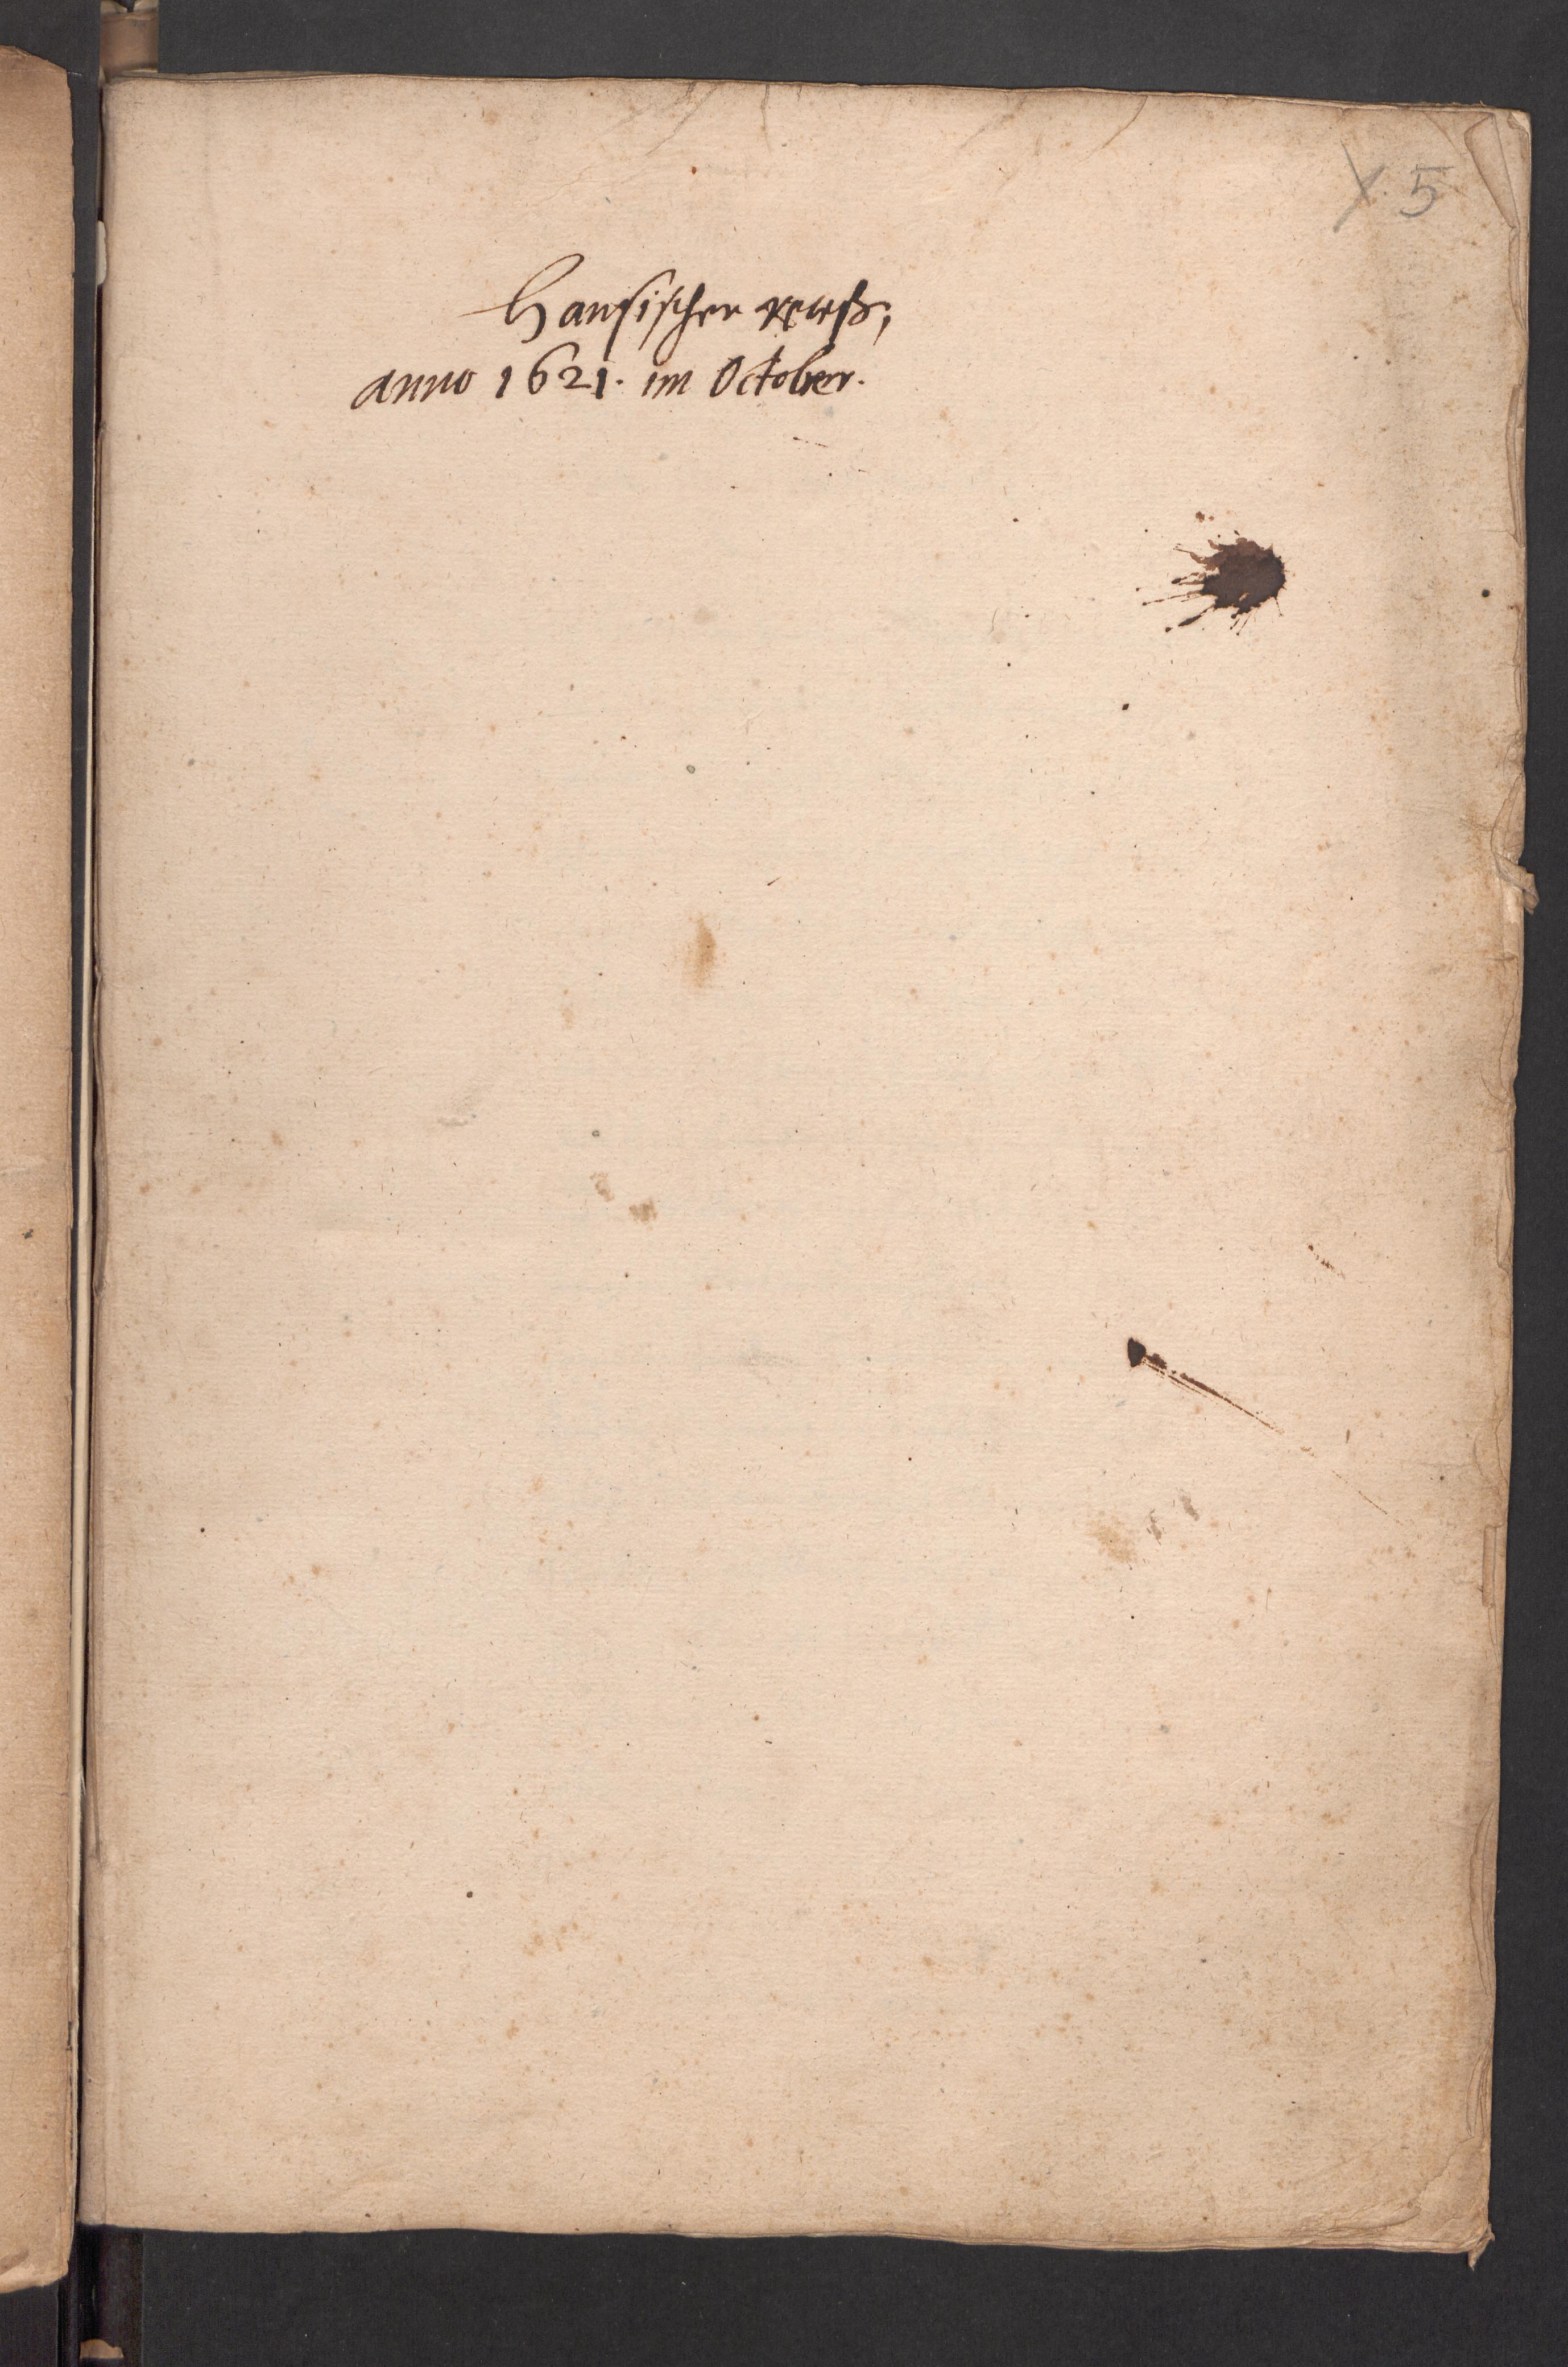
Hansischer receß,
anno 1621 im October
